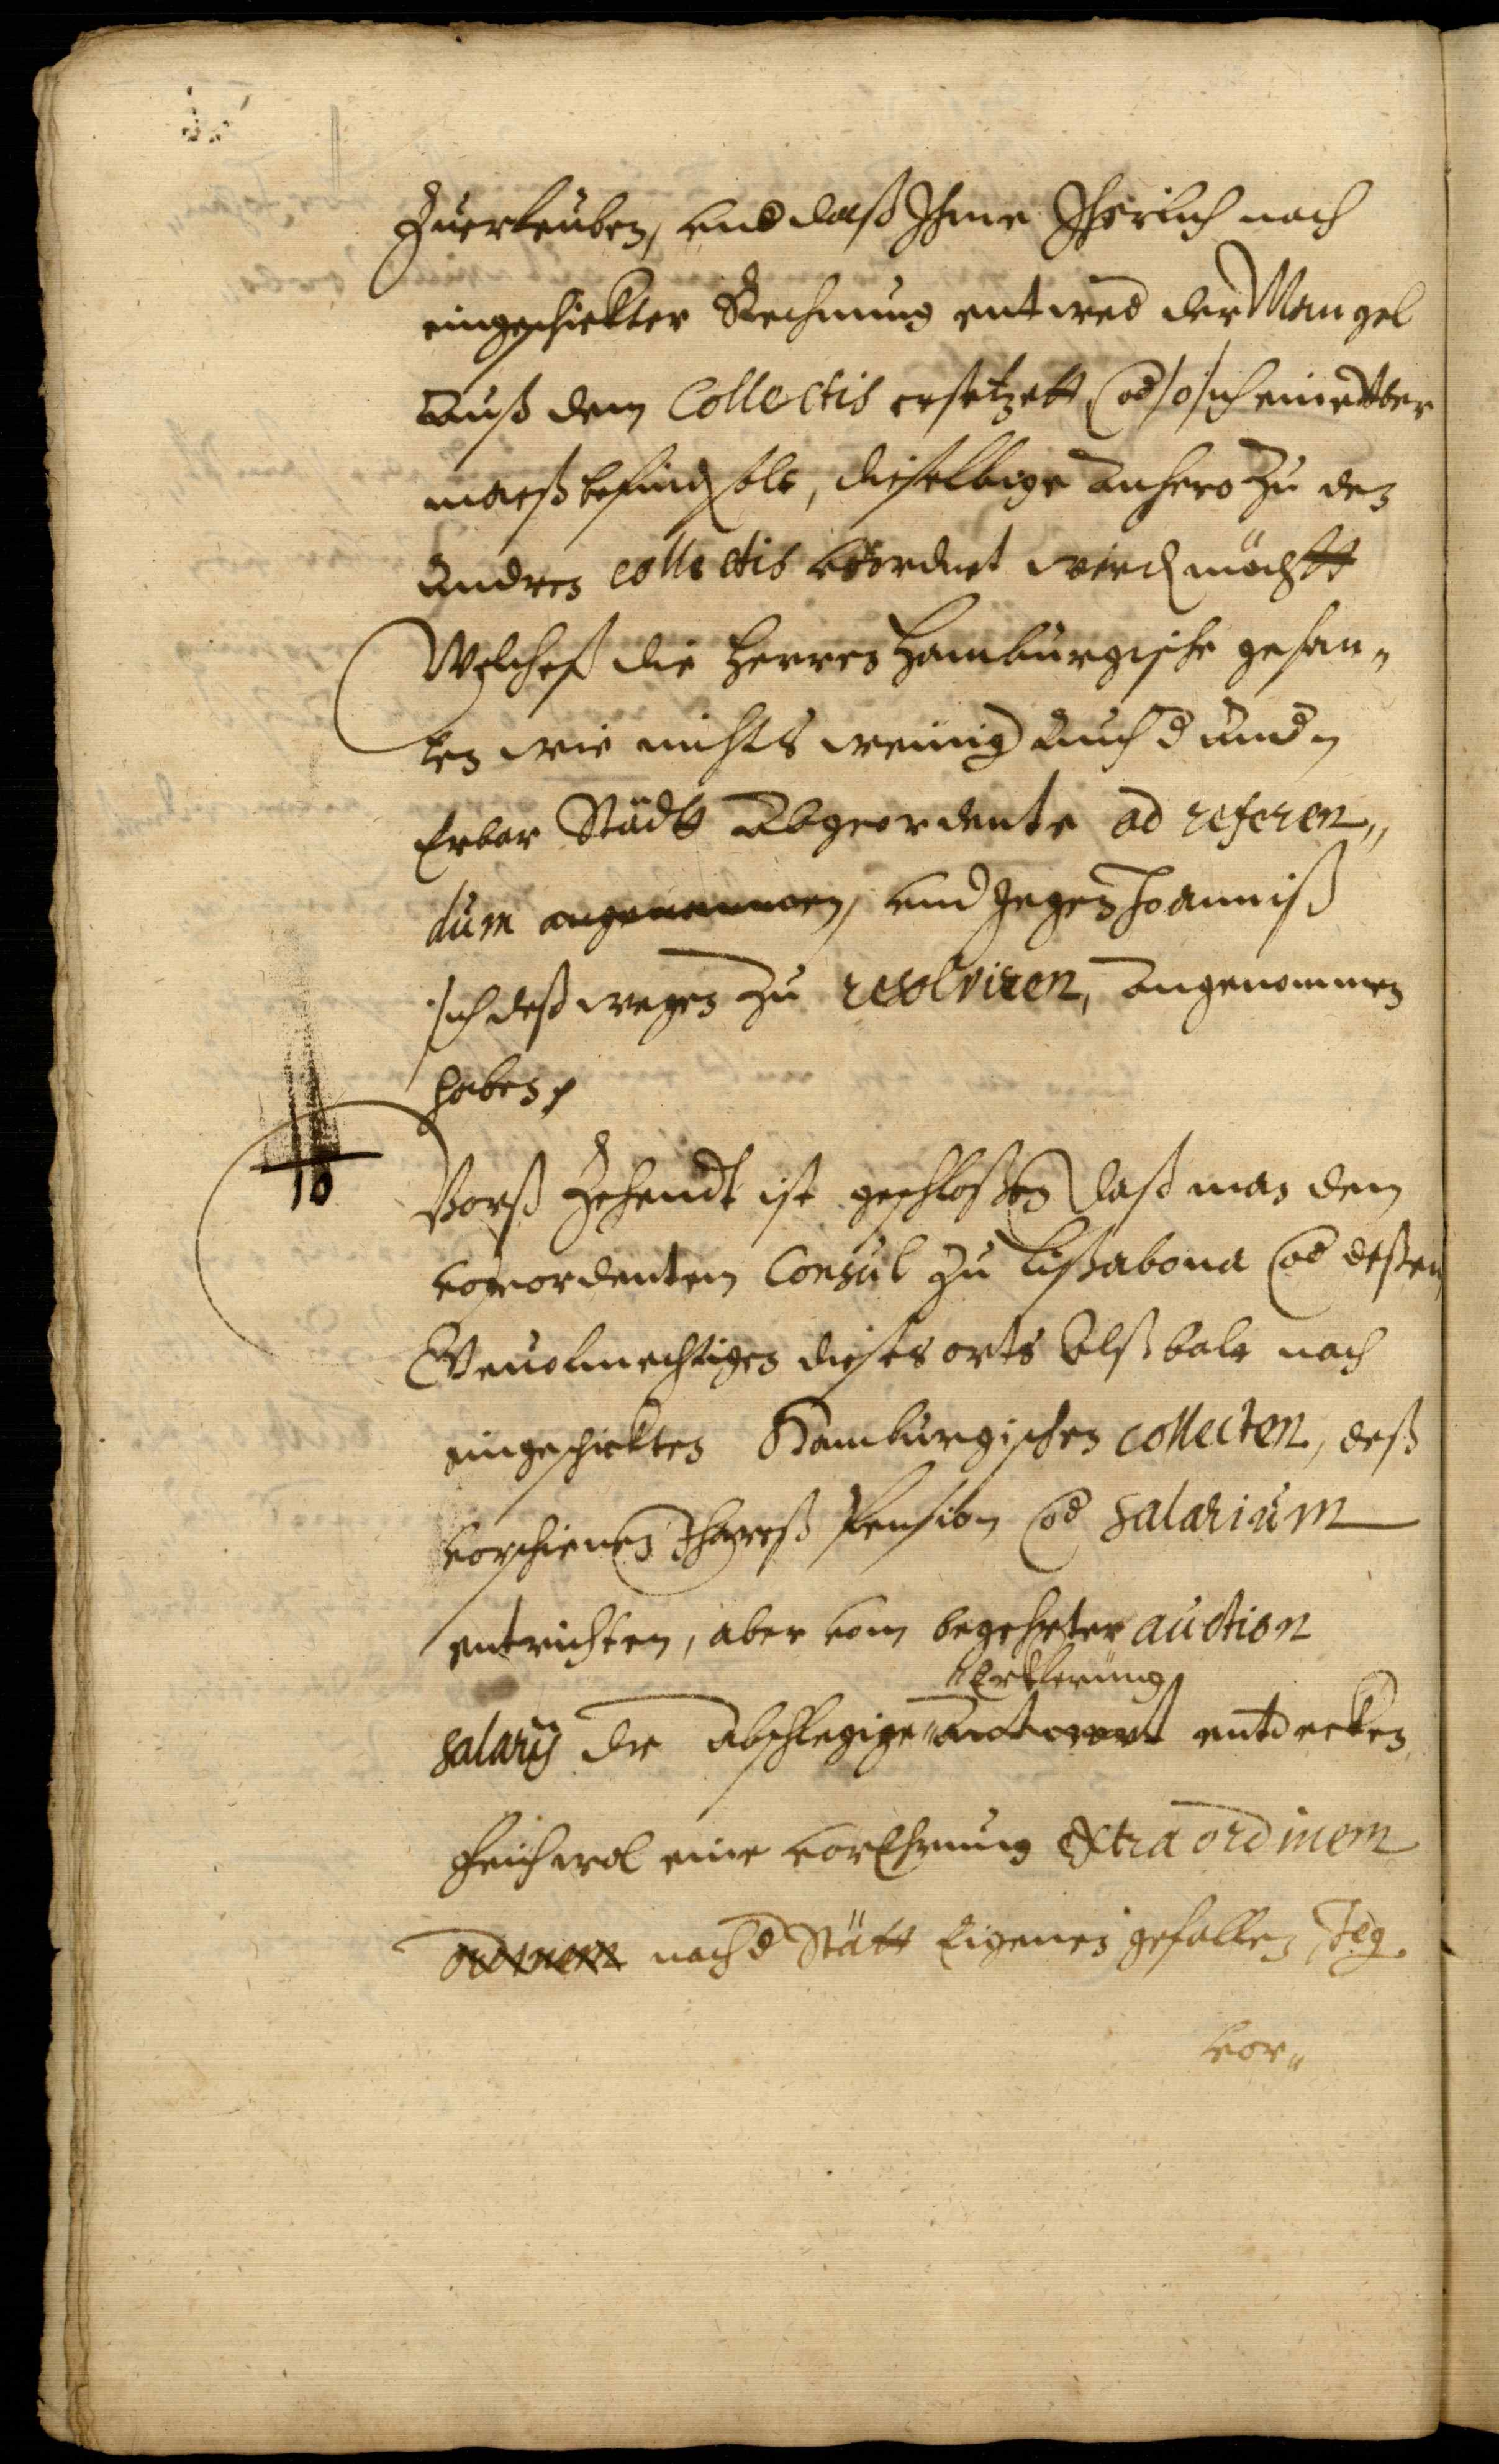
zuerlauben, vnd daß Ihme Jherlich nach
eingeschickter Rechnung entweder der Mangel
Aus dem collectis ersetzett, oder so sich eine vber
maeß befinden soll, dieselbige Anhero zu den
Andern collectis vorordet werden möchtt
Welcheß die herren Hamburgische gesan¬
ten wie nichts weiniger auch der Andern
Erbar Städt Abgeordente ad referen¬
dum angenommen, vnd Jegen Joanniß
sich deßwegen zu resolviren, Angenommen
haben,
10
Vorß Zehendt ist geschloßen Daß man dem
vorordenten Consul zu Lißabona oder deßen
Geuolmechtigen dieses orts Alßbalt nach
eingeschickten Hamburgischen collecten, deß
vorschienen Jhareß Pension oder salarium
entrichten, aber vom begehrter auction
salarij die Abschlegige Erklerung Antwortt entdecken
gleichwohl eine vor Ehrung extra ordinem
ordinem nach der Stätt Eigenen gefallen, Jegen
vor¬
